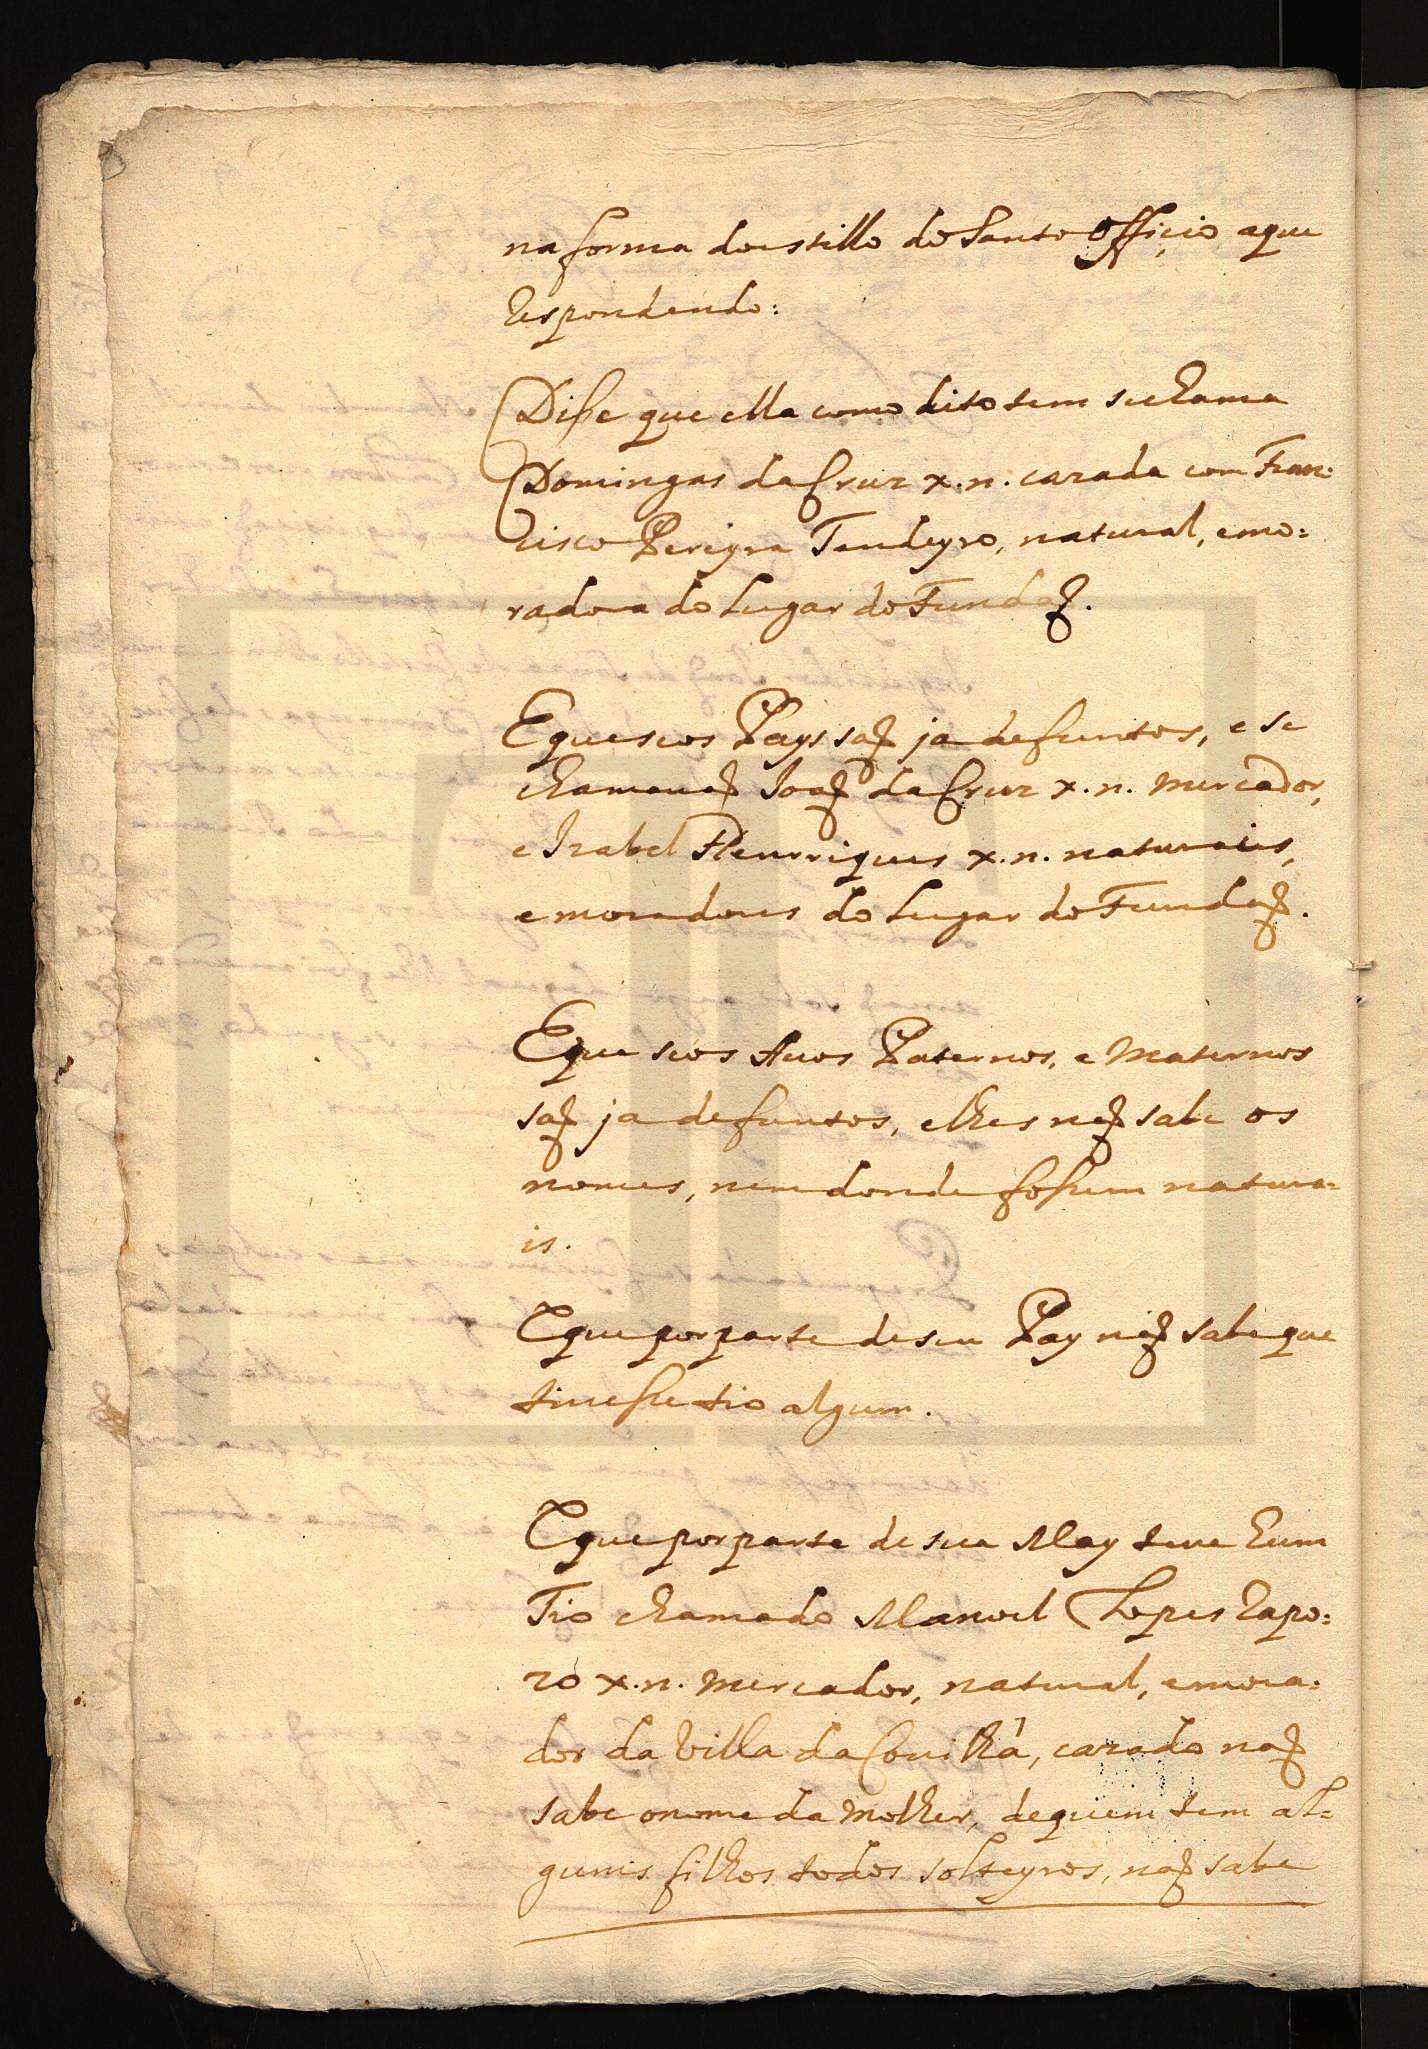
na forma do estillo do Santo officio a que
Respondendo:
Disse que ella como dito tem se chama
Domingas da Cruz x. n. cazada com Fran
cisco Pereyra Tendeyro, natural, e mo
radora do Lugar do Fundaõ.
E que seos Pays saõ ja defuntos, e se
chamauaõ Ioaõ da Cruz x. n. mercador,
e Izabel Henrriques x. n. naturais,
e moradores do Lugar do Fundaõ.
E que seos Auos Paternos, e maternos
saõ ja defuntos, e lhes naõ sabe os
nomes, nem donde fossem natura
es.
E que por parte de seu Pay naõ sabe que
tiuesse tio algum.
E que por parte de sua May teue hum
Tio chamado Manoel Lopes Rapo
zo x. n. mercador, natural, e mora
dor da Villa da Couilhã, cazado naõ
sabe o nome da molher, de quem tem al
gums filhos todos solteyros, naõ sabe
